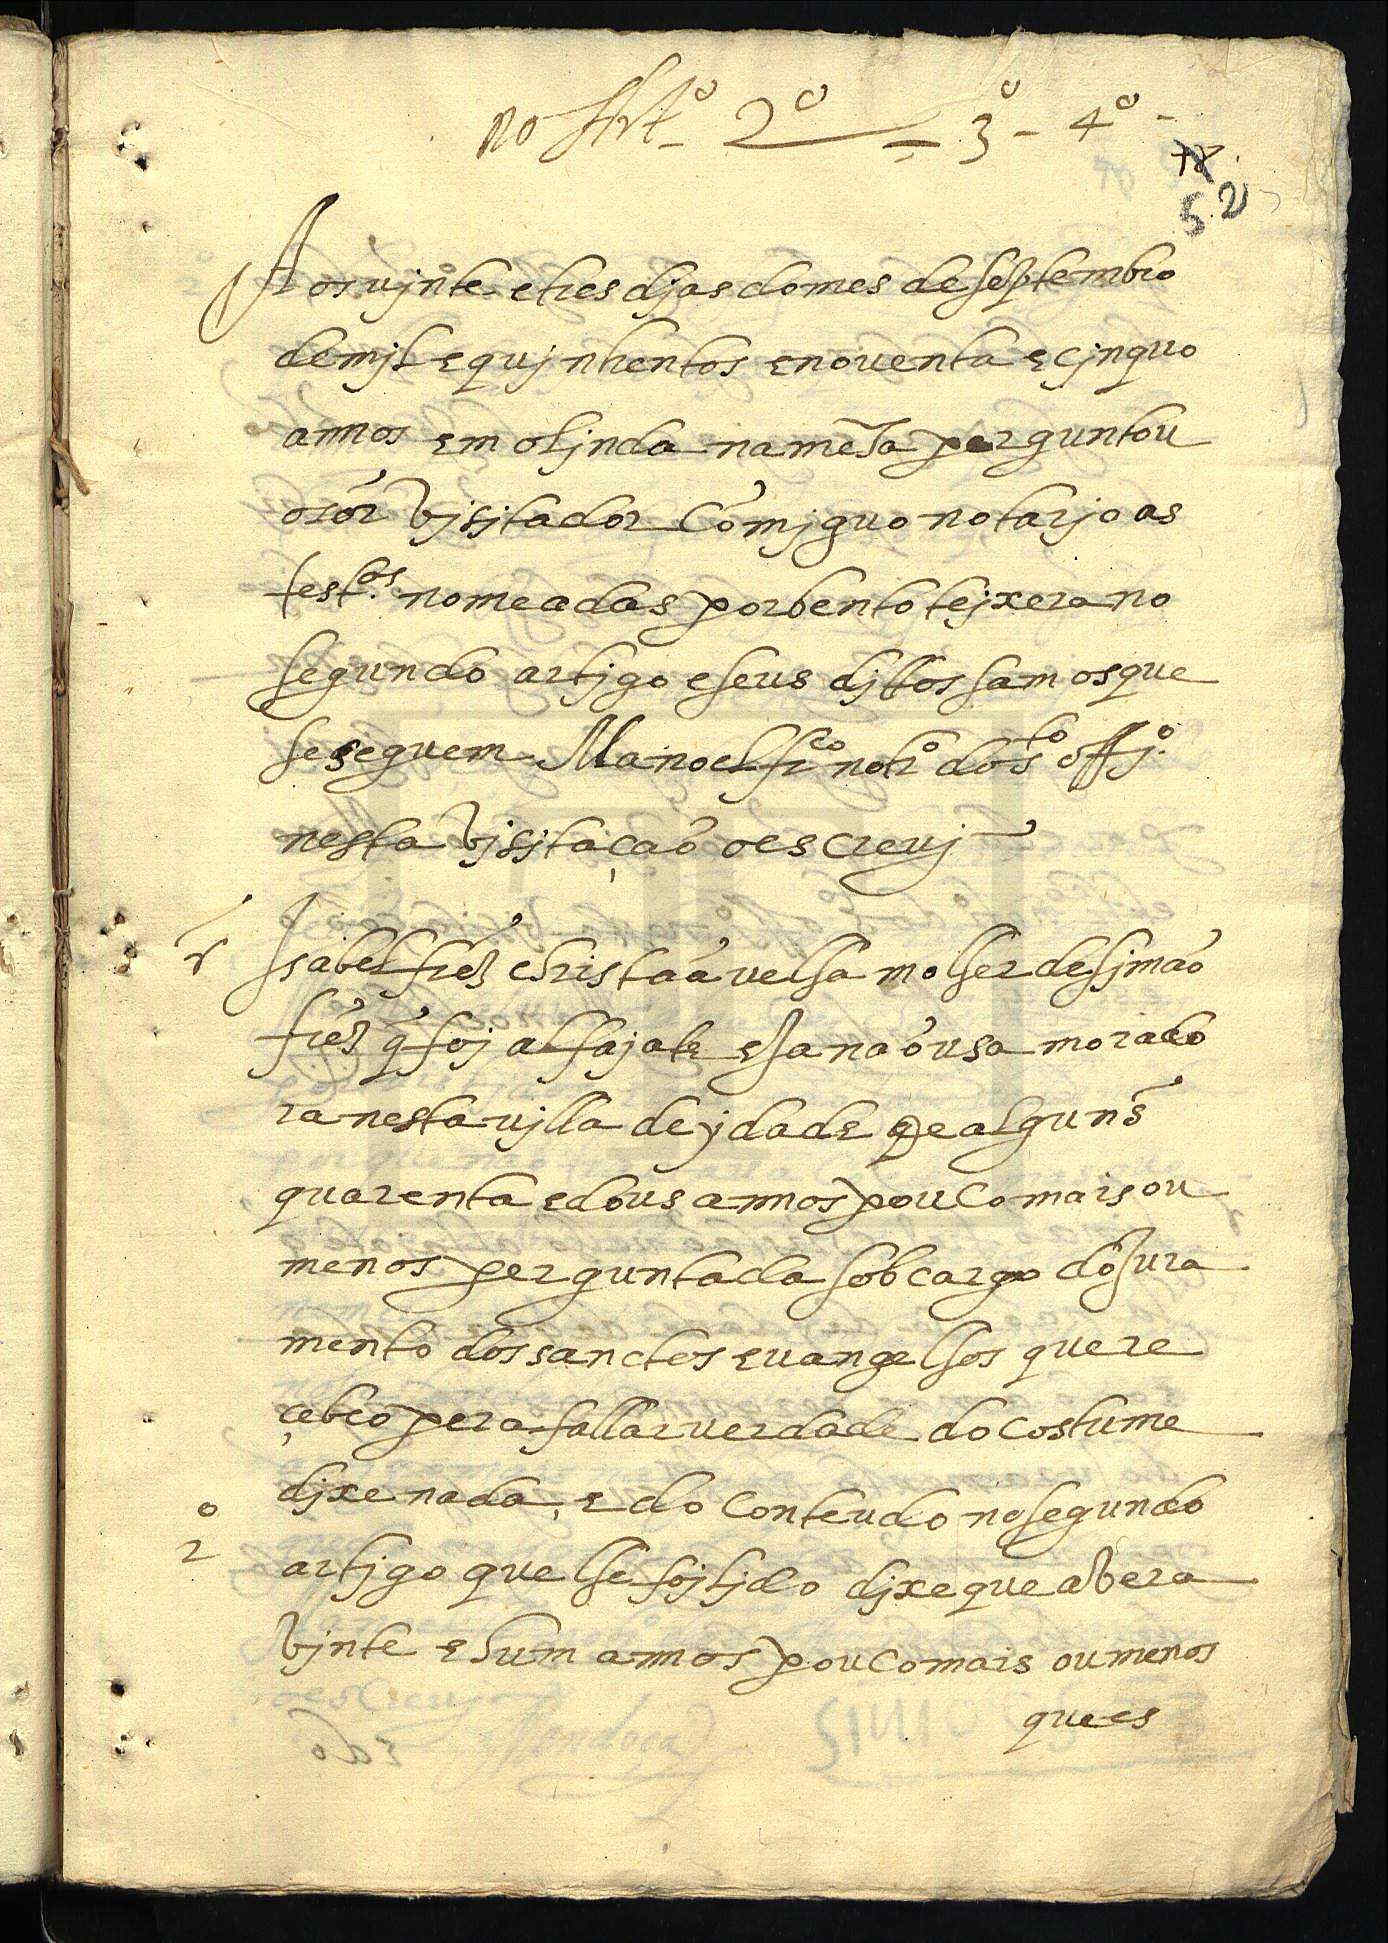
No Arto 2o - 3o - 4o
Aos ujnte e tres dias do mes de septembro
de mjl E qujnhentos E nouenta E cjnquo
annos Em Oljnda na meza perguntou
o sōr Vjsitador Cōmjguo notarjo as
test.as nomeadas por bento tejxera
no segundo artjgo e seus djttos sam os que
se seguem Manoel frco notro do sto offjo
nesta vjsjtaçaõ o escreuj
Jsabel frez̄ christaā uelha molher de Sjmaõ
frēz q̄ foj alfajate E Ja naõ usa morado
ra nesta ujlla de ydade De alguns̄
quarenta E dous annos pouco mais ou
menos perguntada sob cargo do Jura
mento dos sanctos Euangelhos que re
çebeo pera falar uerdade do costume
djxe nada, E do conteudo no segundo
artjgo que lhe foj ljdo djxe que avera
vjnte E hum annos pouco mais ou menos
que es
